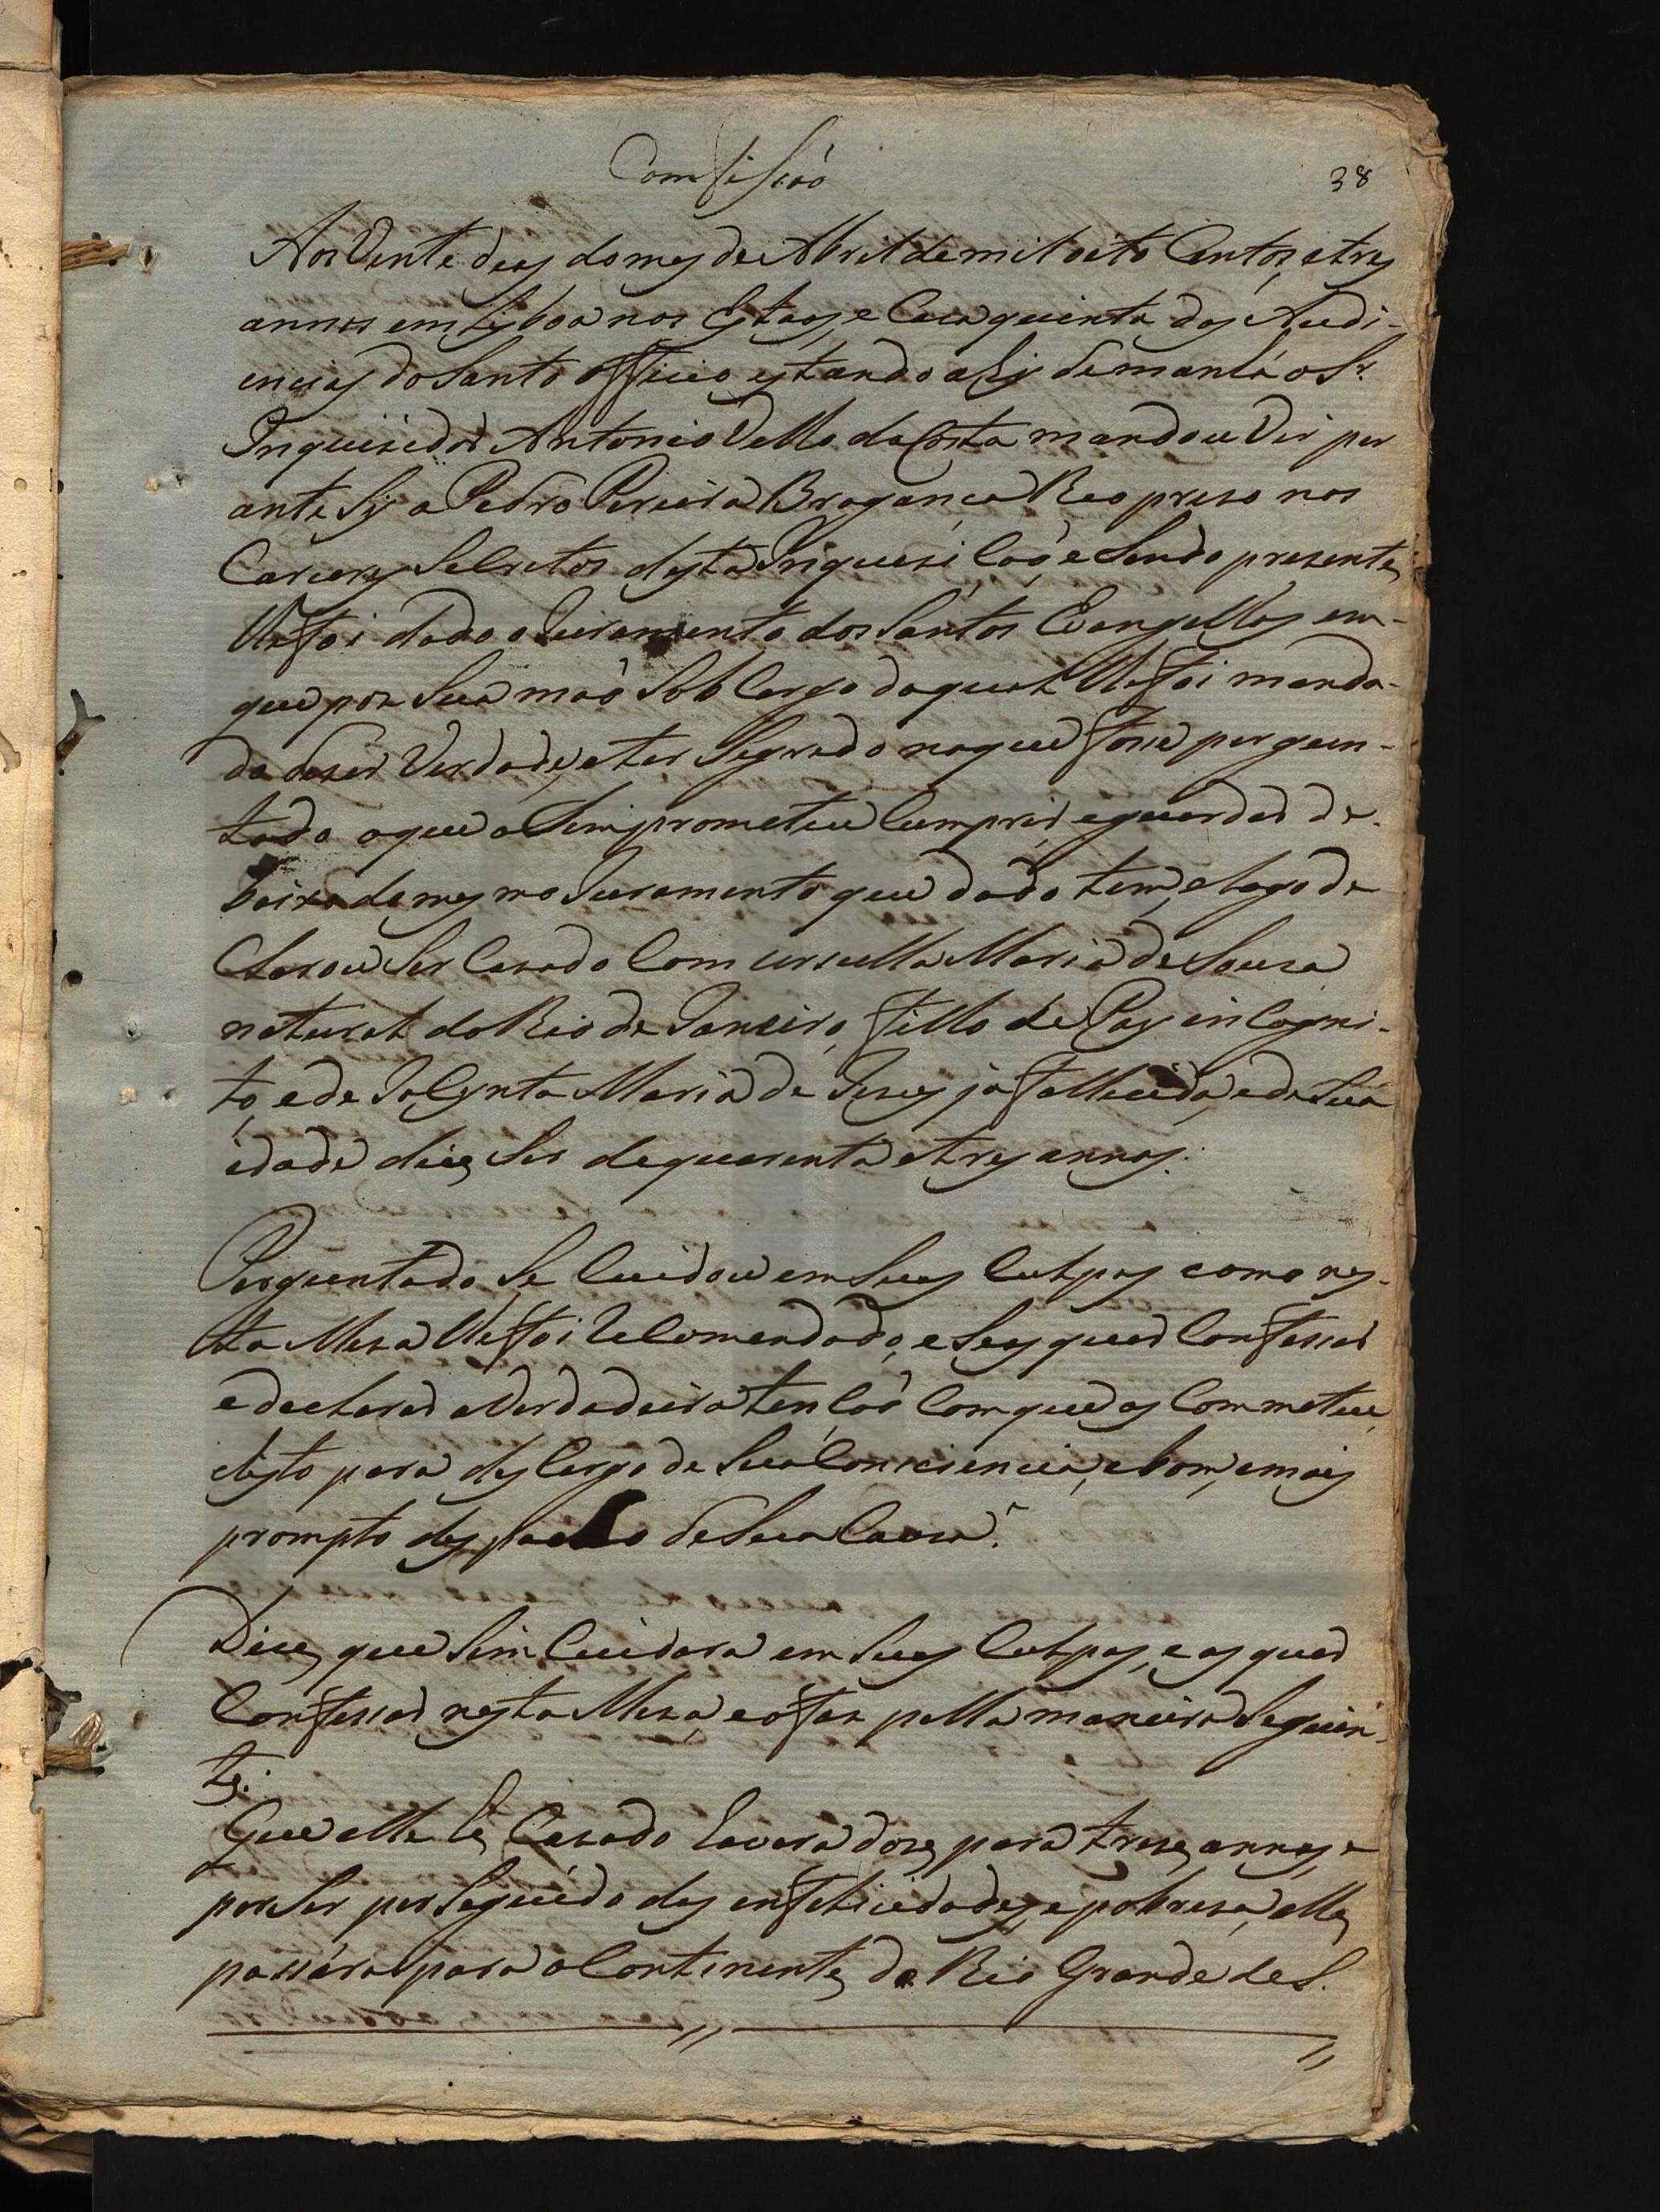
Comfissaõ
Aos Vinte dias do mes de Abrir de mil oitoCentos, e tres
annos em Lisboa nos Estaos, e Caza quinta das Audi
encias do Santo officio estando ahy de manha o Sr.
Inquizidor Antonio Velho da Costa mandou Vir per
ante Sy a Pedro Pereira Bragança Reo prezo nos
Carceres SeCretos desta Inquiziçaõ, e Sendo prezente
lhe foi dado o Iuramento dos Santos Evangelhos em
que poz Sua maõ Sob Cargo do qual lhe foi manda
do dizer Verdade e ter Segredo no que fosse pergun
tado o que aSim prometeu Cumprir e guardar de
baixo do mesmo Iuramento que dado tem, e logo de
Clarou Ser Cazado Com ursulla Maria de Souza
natural do Rio de Ianeiro, filho de Pay inCogni
to e de IaCynta Maria de Iezus jà fallecida, e da Sua
idade dice Ser de quarenta e tres annos.
Perguntado Se Cuidou em Suas Culpas como nes
ta Meza lhe foi ReComendado, e Se as quer Confessar
e declarar a Verdadeira tenÇaõ Com que as Commeteu
e histo para desCargo de Sua Consciencia, e bom, e mais
prompto despacho de Sua Cauza.
Dice que Sim Cuidara em Suas Culpas, e as quer
Confessar nesta Meza, e o faz pella maneira Seguin
te.
Que elle he Cazado havera doze para treze annos, e
por Ser perSeguido das enfelicidades, e pobreza, elle
passára para o Continente do Rio Grande de S.
